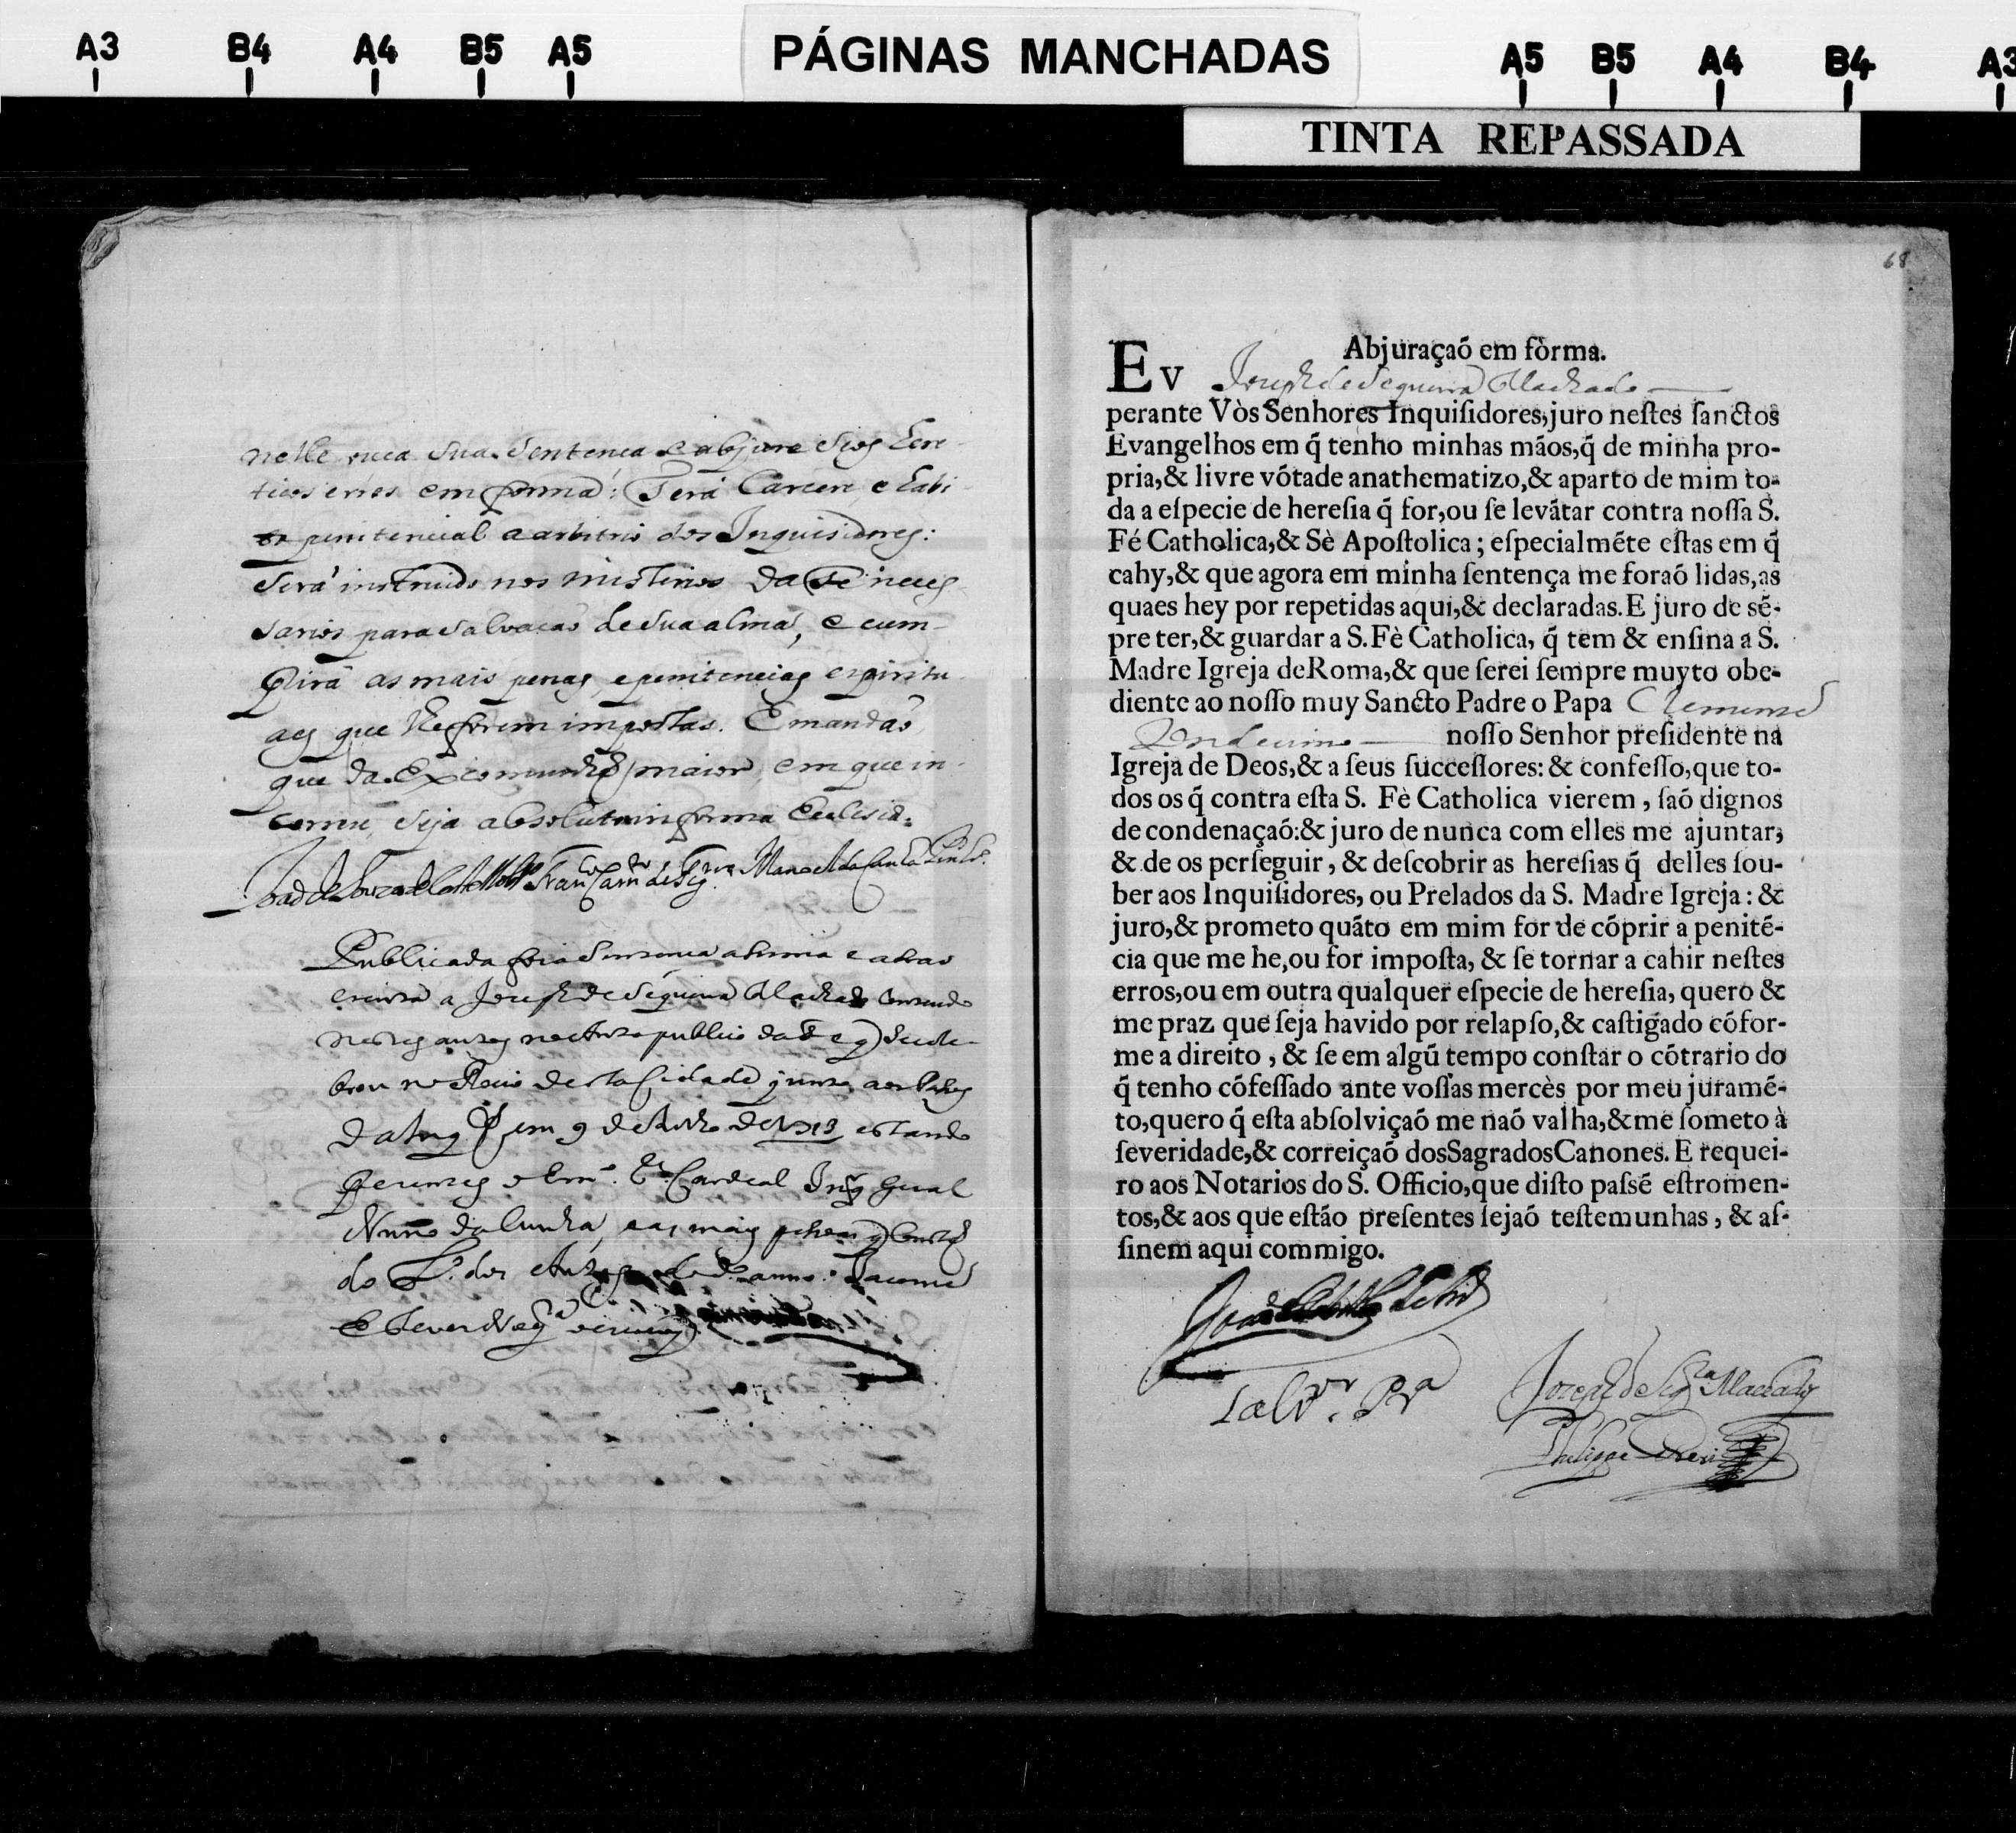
nelle ouia sua sentença e abjure seos here
ticos erros em forma: Terá Carcere, e habi
to penitencial a arbitrio dos Inquisidores:
será instruido nos misterios da Fe neces
sarios para salvaçaõ de sua alma, e cum
prirá as mais penas, e penitencias espiritu
aes que lhe forem impostas E mandaõ
que da Excomunhaõ maior, em que in
correu, seja absoluto in forma Ecclesiæ:
Ioaõ de Souza de Castello brco Franco Carn.ro de Fig.ra Manoel da Cunha Pinhr.o
Publicada fora sentenca asima e atras
escrita a Jozeph de sequeira Machado conteudo
nestes autos no Auto publico da Fe q̄ se cele
brou no Rocio desta Cidade junto aos Padres
da Inqcā em 9 de Iulho de 1713 estando
prezentes o Em.o Sr. Cardeal Inqr Geral
Nuno da Cunha, e as mais pessoas q̄ Constaõ
do L.o dos Autos d.o anno Iacome
Esteves Nog.ra o escreuy.
Abjuraçaõ em forma.
Ev Iozeph de Sequeira Machado
perante Vòs Senhores Inquisidores, juro nestes sanctos
Evangelhos em q̄ tenho minhas mãos, q̄ de minha pro
pria, & livre vōtade anathematizo, & aparto de mim to
da a especie de heresia q̄ for, ou se levātar contra nossa S.
Fé Catholica, & Sè Apostolica; especialmēte estas em q̄
cahy, & que agora em minha sentença me foraõ lidas, as
quaes hey por repetidas aqui, & declaradas. E juro de sē
pre ter, & guardar a S. Fè Catholica, q̄ tem & ensina a S.
Madre Igreja de Roma, & que serei sempre muyto obe
diente ao nosso muy Sancto Padre o Papa Celmente
Vndecimo - nosso Senhor presidente na
Igreja de Deos, & a seus successores: & confesso, que to
dos os q̄ contra esta S. Fè Catholica vierem, saõ dignos
de condenaçaõ: & juro de nunca com elles me ajuntar,
& de os perseguir, & descobrir as heresias q̄ delles sou
ber aos Inquisidores, ou Prelados da S. Madre Igreja: &
juro, & prometo quāto em mim for de cōprir a penitē
cia que me he, ou foi imposta, & se tornar a cahir nestes
erros, ou em outra qualquer especie de heresia, quero &
me praz que seja havido por relapso, & castigado cōfor
me a direito, & se em algū tempo constar o cōtrario do
q̄ tenho cōfessado ante vossas mercès por meu juramē
to, quero q̄ esta absolviçaõ me naõ valha, & me someto à
severidade, & correiçaõ dos Sagrados Canones, E requei
ro aos Notarios do S. Officio, que disto passē estromen
tos, & aos que estão presentes sejaõ testemunhas, & as
sinem aqui commigo.
Joaõ Rabello de Ande
Joseph de Seq.ra Machado
Salv.or Pra
Fhelippe Neri
